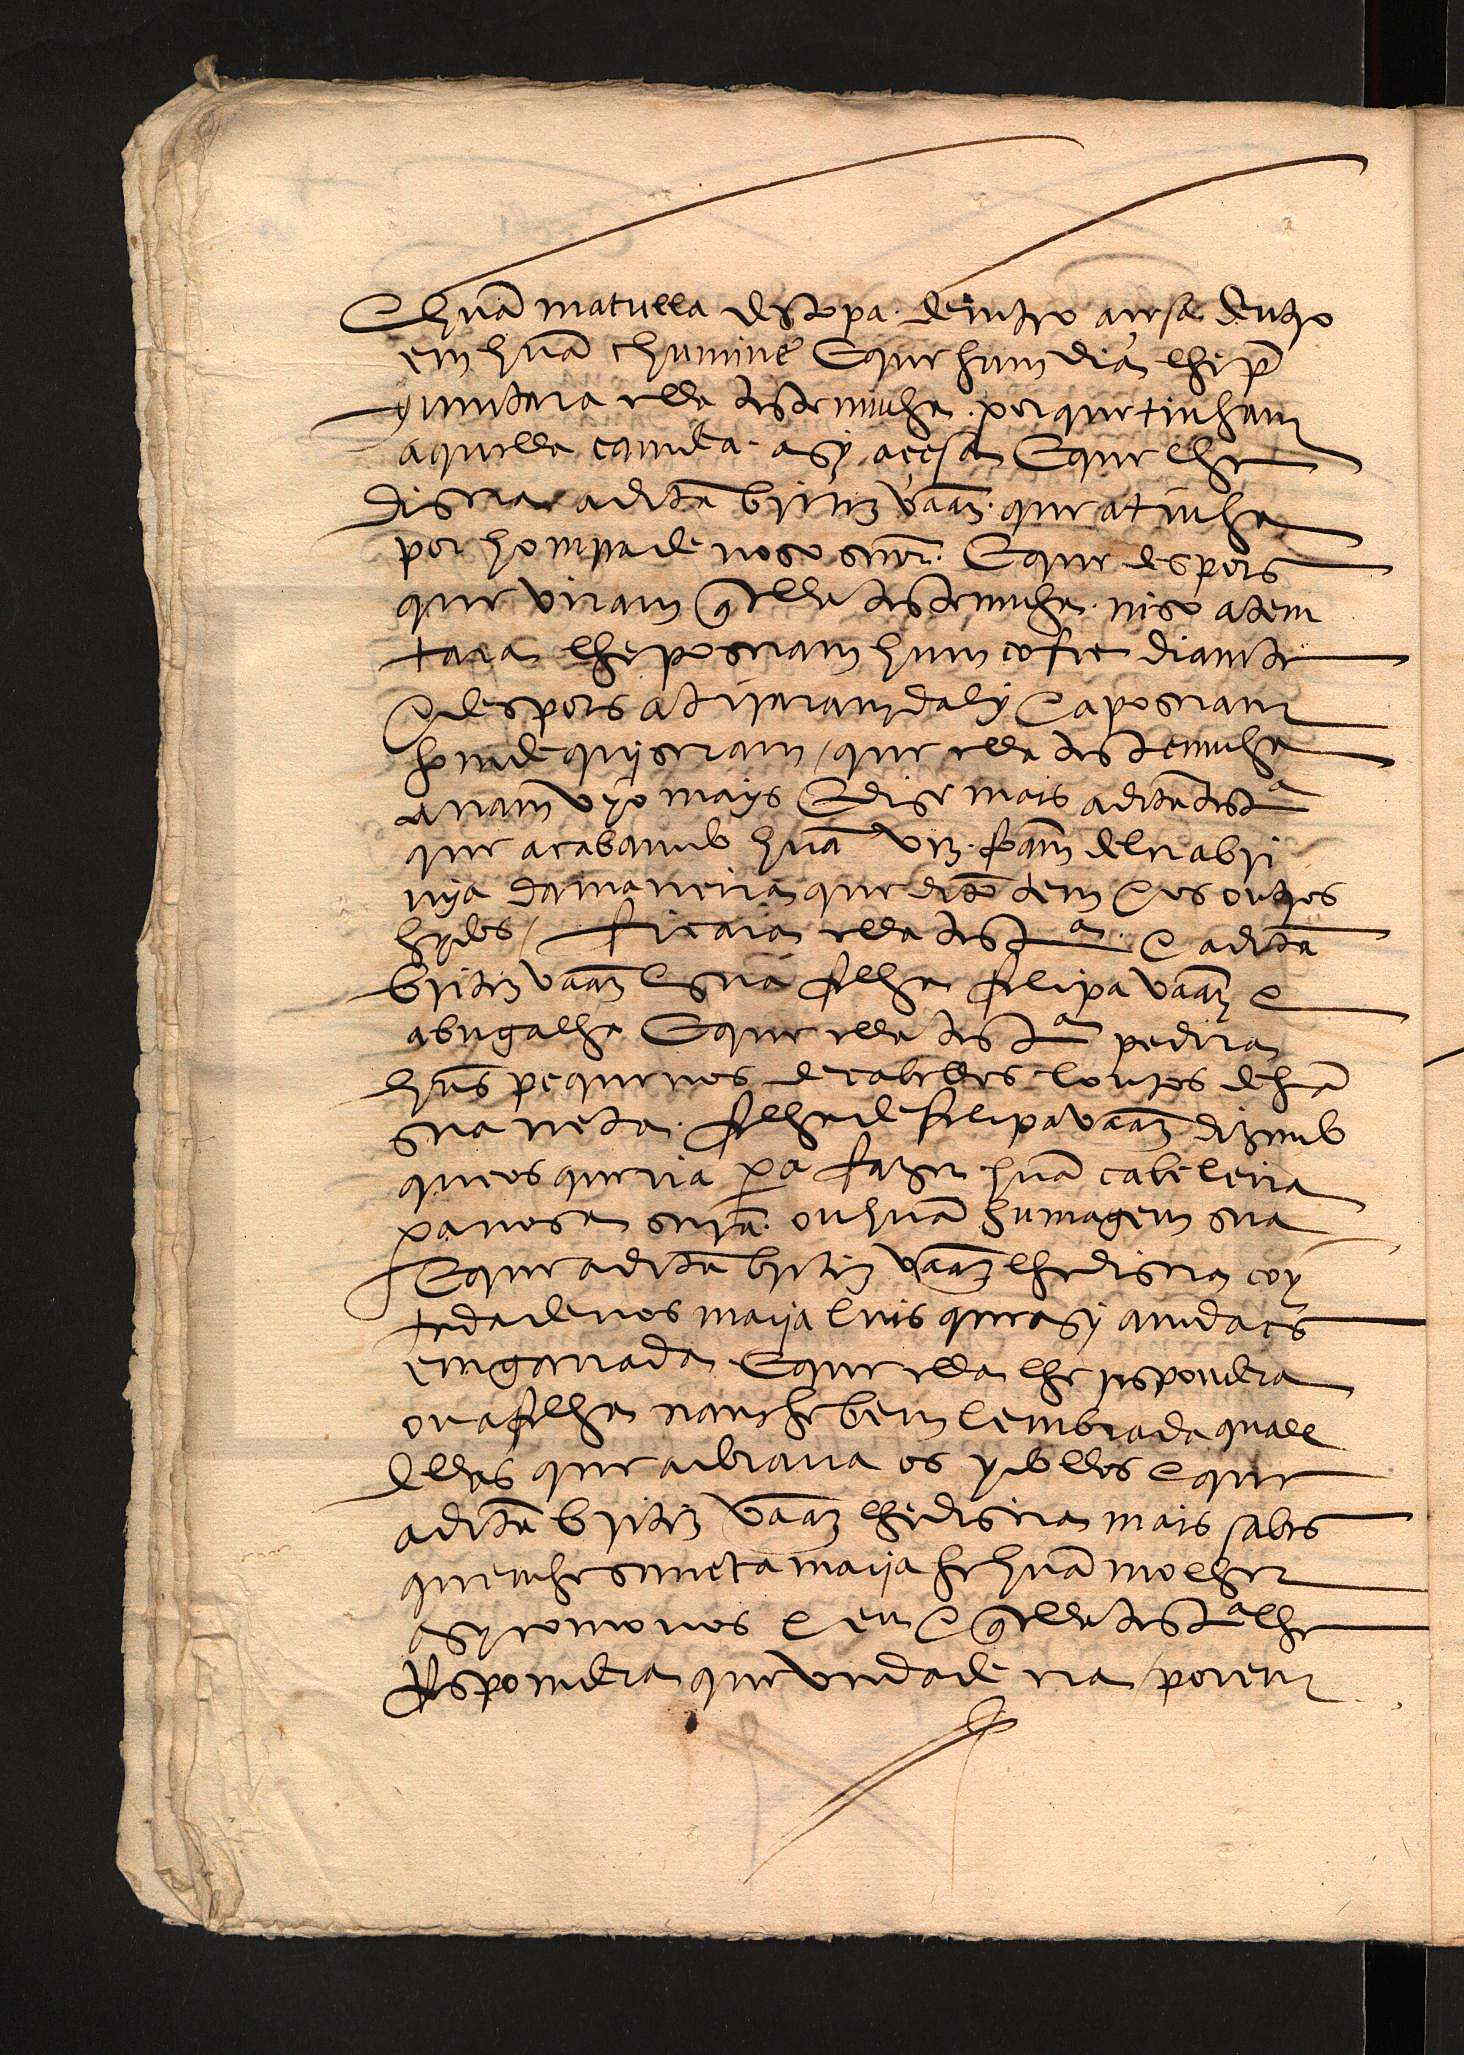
e huā matulla destopa demtro acesa dentro
em huā chamine E que hum dia lhe p̄
gumtara ella testemunha porque tinham
aquella camdea asy acesa E que lhe
disera a dita britiz vāaz. que a tinha
por homrra de noso snōr. E que despois
que viram q̄ ella testemunha niso atem
tara lhe poseram hum cofre diamte
e despois a tiraram daly e a poseram
homde qujseram / que ella testemunha
a nam vyo mays E dise mais a dita testa
que acabamdo hūa vez foam de ler a bri
uya da maneira que dit̄o tem e os outros
hydos / ficara ella testa e a dita
britiz vāaz e sua filha felipa vāaz e
a bugalha E que ella testa pedira
hūs pequenos de cabellos louros de huā
sua neta. filha de felipa vāaz dizendo
que os queria ꝑa fazer huā cabeleira
ꝑa nosa snrā ou huā humagem sua
E que a dita britiz vāaz lhe disera coy
tada de uos marja luis que asy amdaes
emganada E que ella lhe respondera
ou a filha nam he bem lembrada quall
dellas que adoraua os ydollos e que
a dita britiz vāaz lhe disera mais sabes
quem he sancta marja he huā molher
asy como uos e eu e q̄ ella testa lhe
Respomdera que verdade era porem
